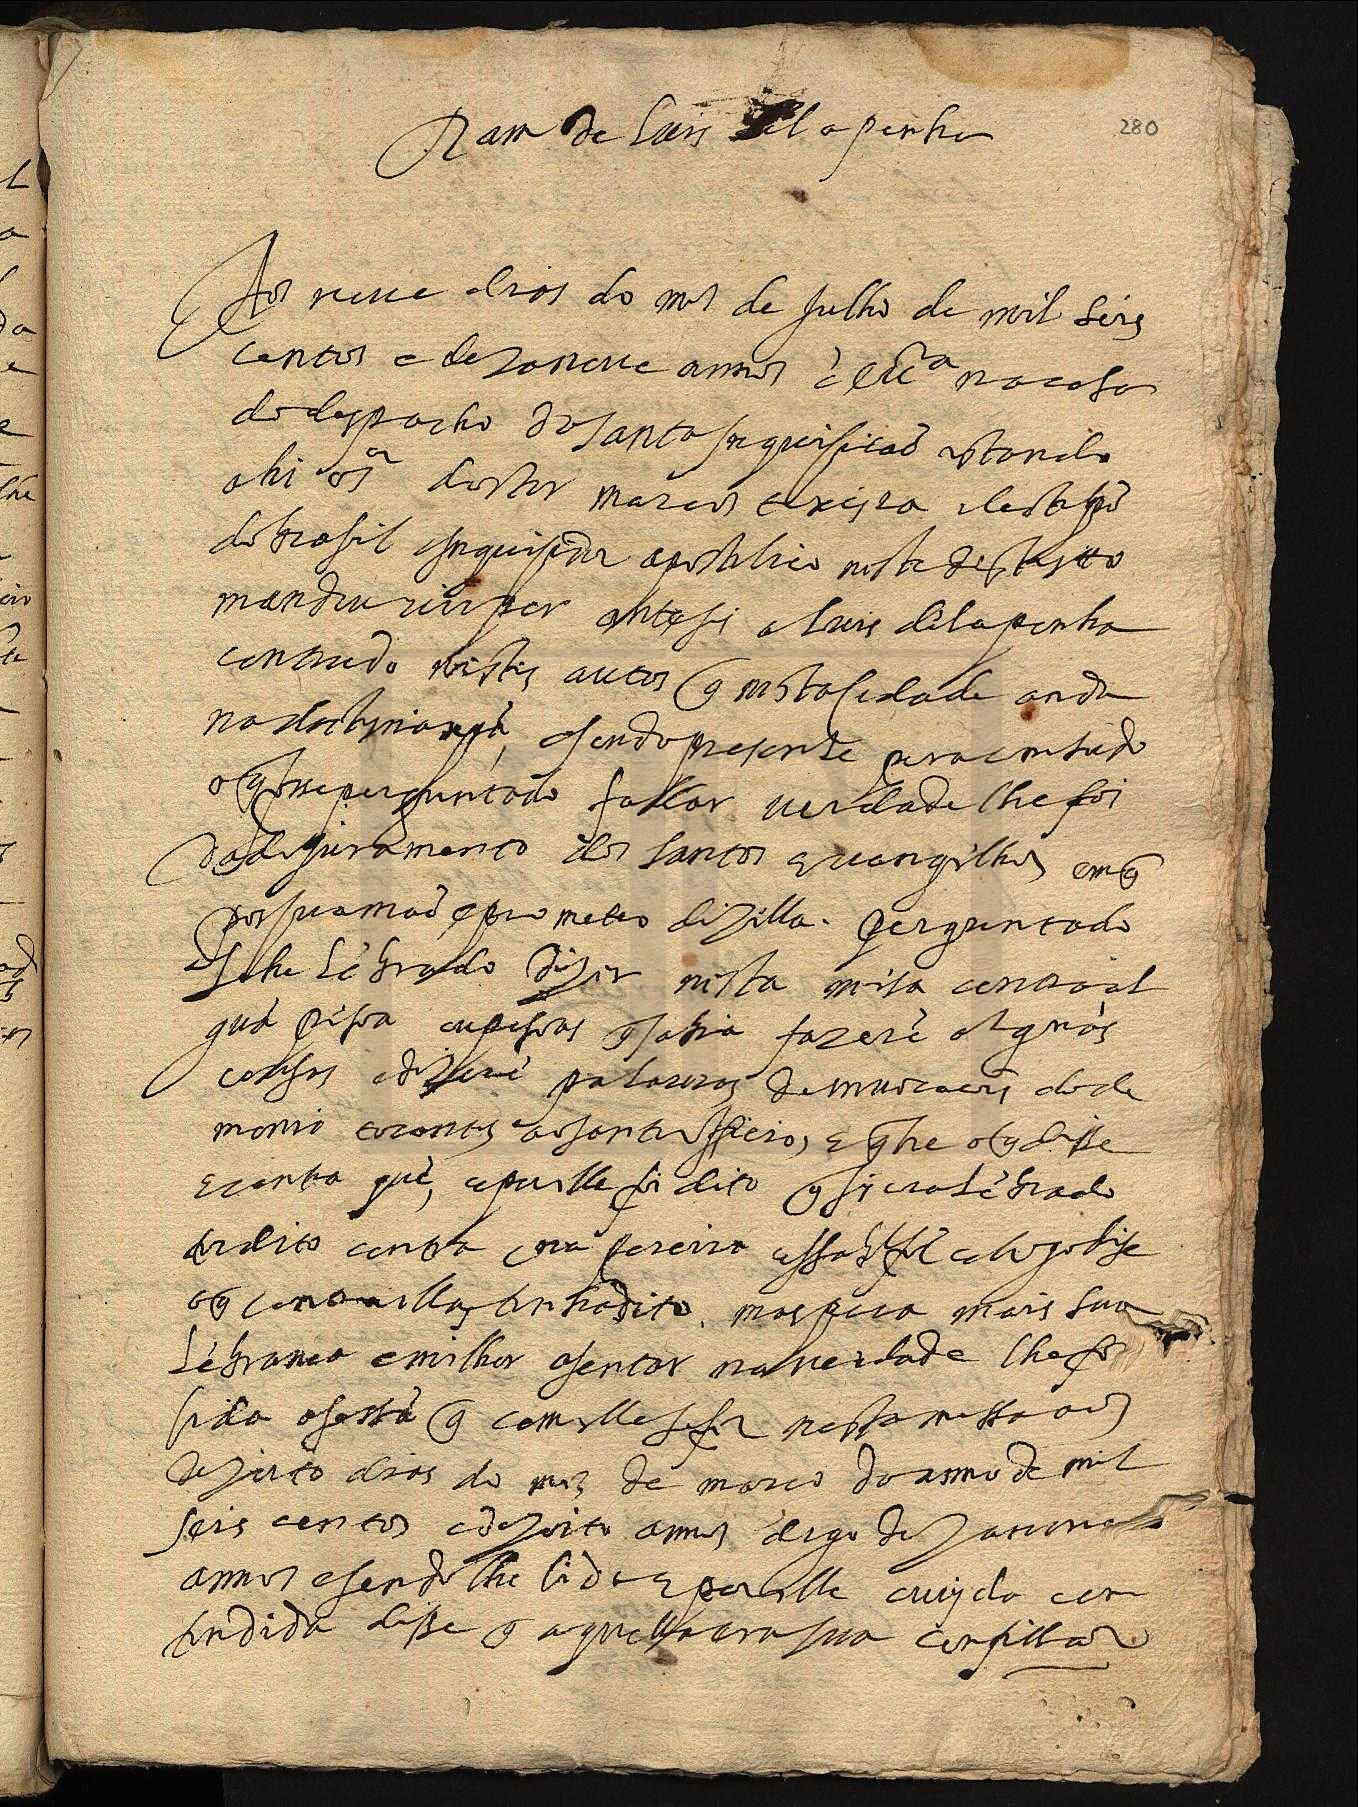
Ram de Luis de le penha
Aos noue dias do mes de Julho de mil seis
centos e dezanove annos ē eura na casa
do despacho da Santa Jnquesicaõ estando
ahi o Snōr doctor marcos texeira electo bpō
do brasil e Jnquisidor apostolico neste destritto
mandou vir per ante si a Luis de la penha
conteudo nestes autos q̄ nesta Cidade anda
na doctrina xpã, e sendo presente pera em tudo
o q̄ fosse perguntado fallar uerdade lhe foi
dado juramento dos Santos Euangelhos em q̄
por sua maõ e prometeo dizella perguntado
se he lēbrado dizer nesta misa contra al
guã pesoa ou pesoas q̄ sabia fazerē alguãs
cousas e dizerē palauras de inuocacoẽs do de
monio tocantes ao santo officio, e q̄ he o q̄ disse
e contra quē, e por elle foi dito q̄ si era lēbrado
ter dito contra C.na pereira e Isabel frz̄ e logo dise
o q̄ contra ellas tinha dito, mas pera mais sua
lēbranca e milhor asentar na verdade lhe foi
lida a sessã q̄ com elle se fez nesta missa aos
dezoito dias do mez de março do anno de mil
seiscentos e dezoito annos digo dezanove
annos e sendo lhe lida e por elle ouvjda e em
tendida disse q̄ aquella era sua confissaõ
